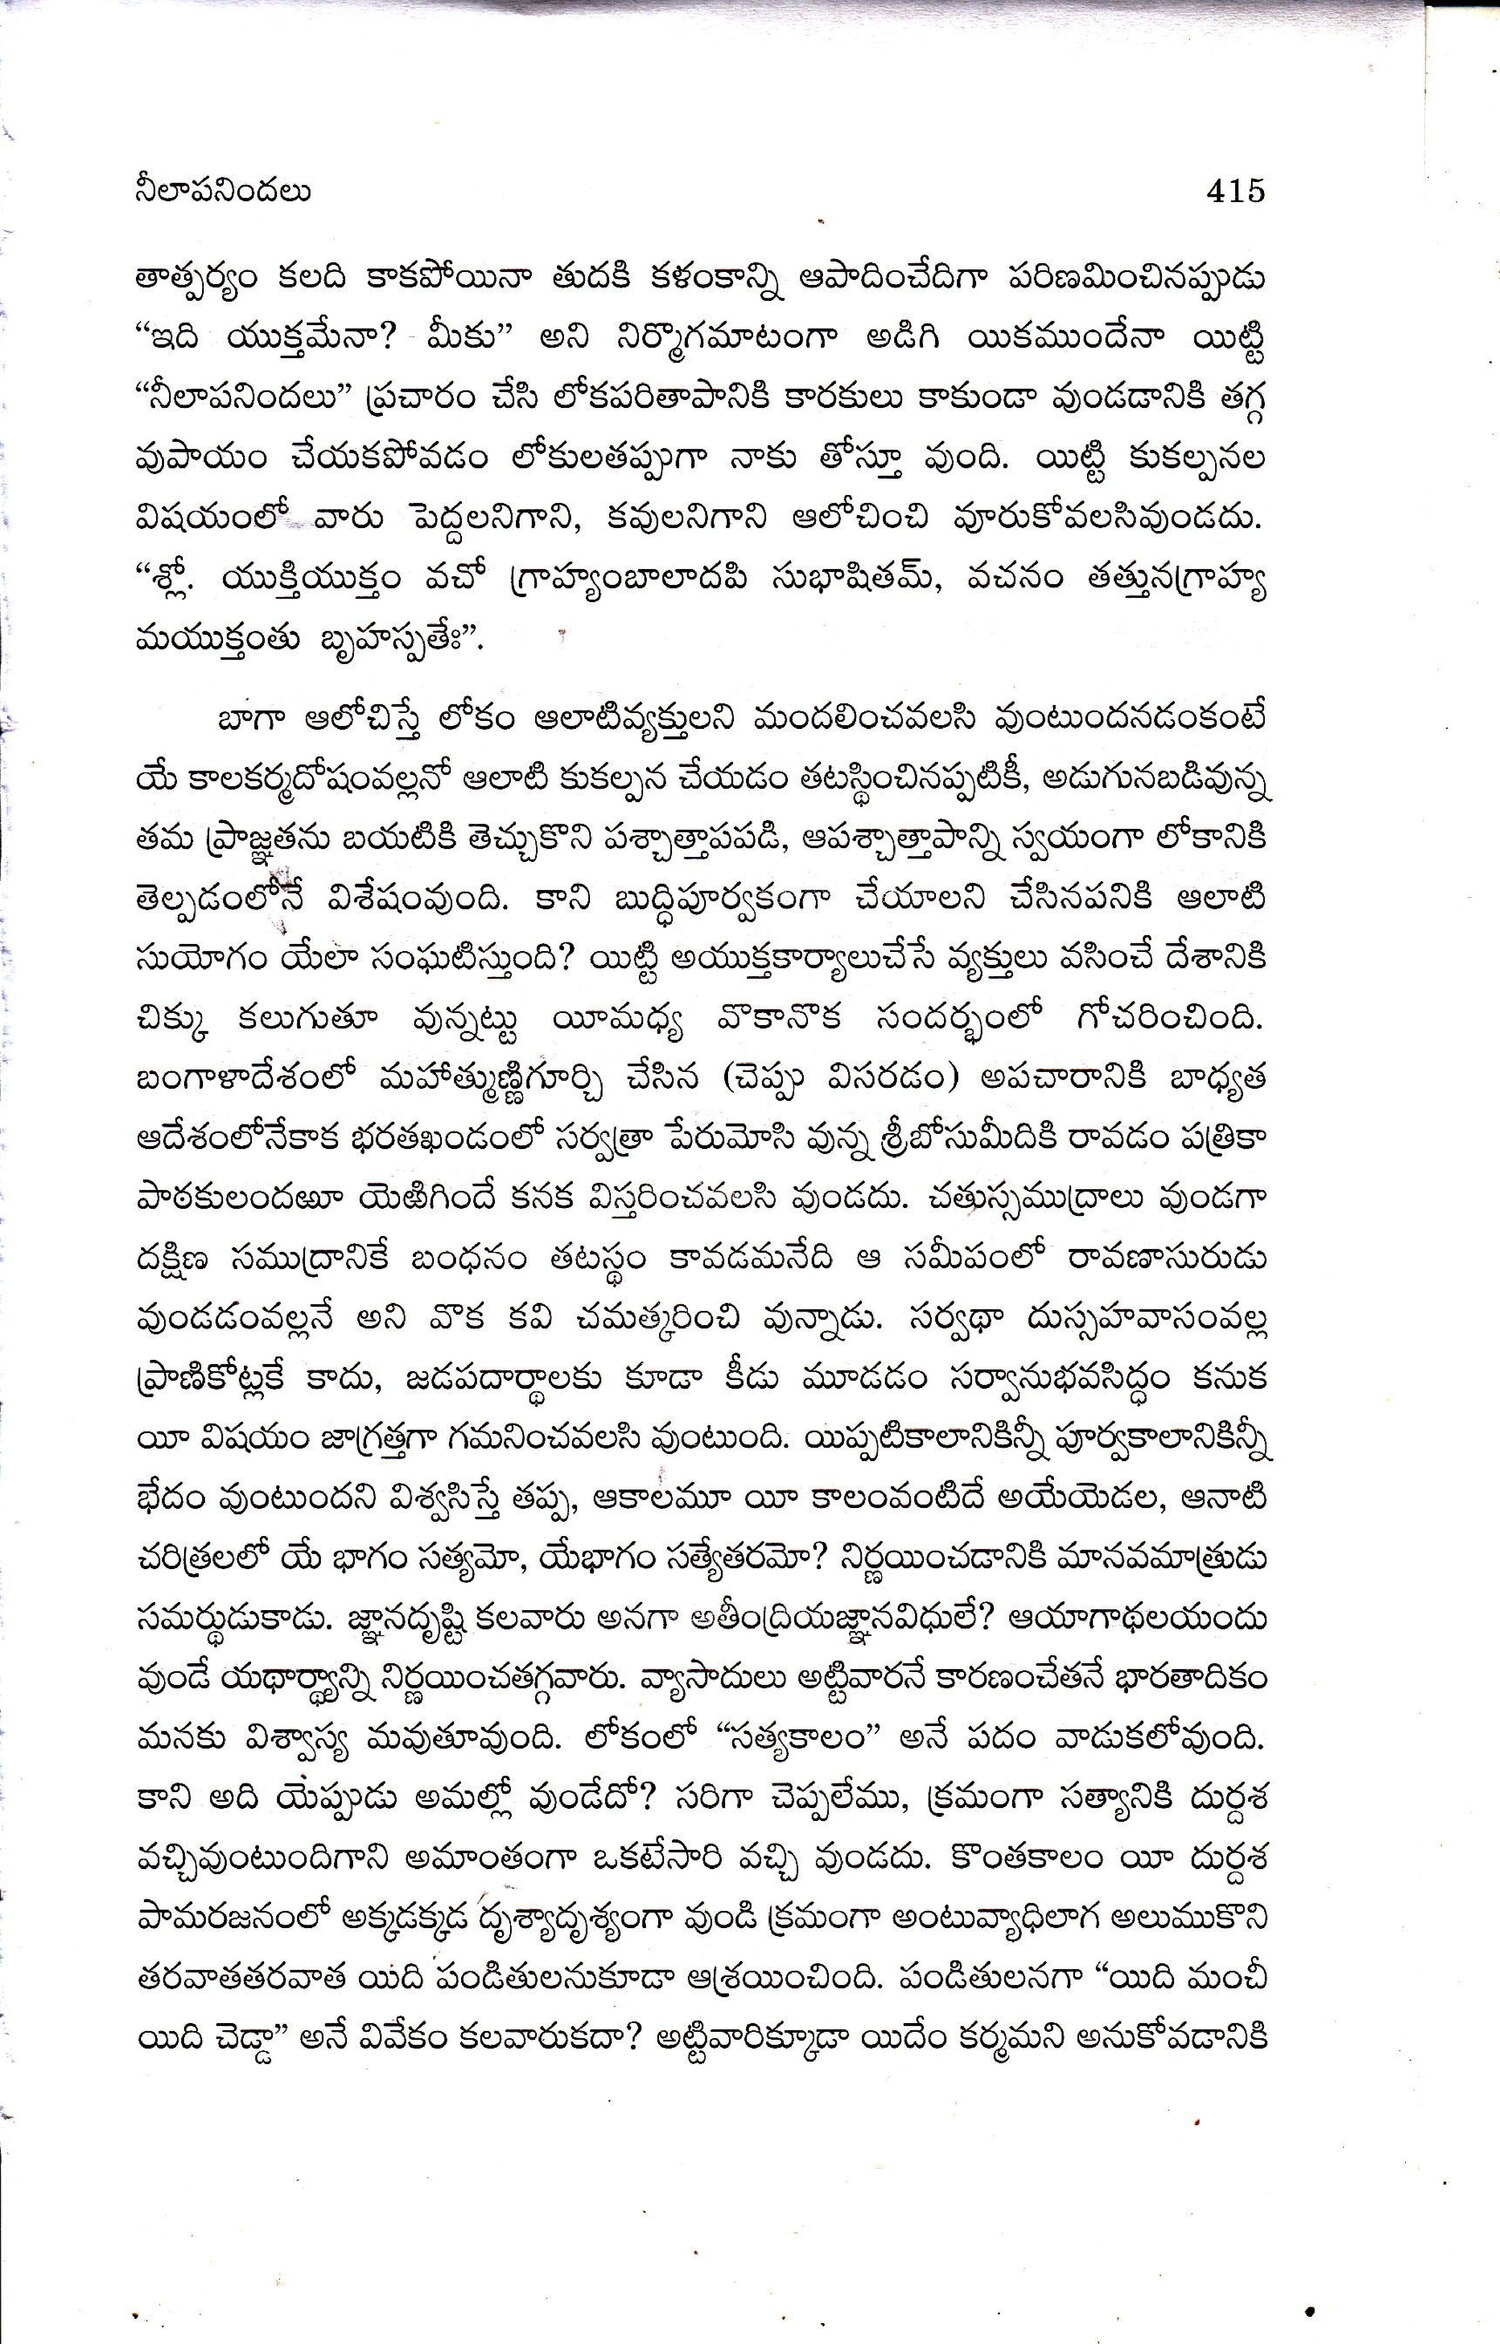తాత్పర్యం కలది కాకపోయినా తుదకి కళంకాన్ని ఆపాదించేదిగా పరిణమించినప్పుడు “ఇది యుక్తమేనా? మీకు” అని నిర్మొగమాటంగా అడిగి యికముందేనా యిట్టి "నీలాపనిందలు" ప్రచారం చేసి లోకపరితాపానికి కారకులు కాకుండా వుండడానికి తగ్గ వుపాయం చేయకపోవడం లోకులతప్పుగా నాకు తోస్తూ వుంది. యిట్టి కుకల్పనల విషయంలో వారు పెద్దలనిగాని, కవులనిగాని ఆలోచించి వూరుకోవలసివుండదు. “శ్లో, యుక్తియుక్తం వచో గ్రాహ్యంబాలాదపి సుభాషితమ్, వచనం తత్తునగ్రాహ్య మయుక్తంతు బృహస్పతేః".

బాగా ఆలోచిస్తే లోకం ఆలాటివ్యక్తులని మందలించవలసి వుంటుందనడంకంటే యే కాలకర్మదోషంవల్లనో ఆలాటి కుకల్పన చేయడం తటస్థించినప్పటికీ, అడుగునబడివున్న తమ ప్రాజ్ఞతను బయటికి తెచ్చుకొని పశ్చాత్తాపపడి, ఆపశ్చాత్తాపాన్ని స్వయంగా లోకానికి తెల్పడంలోనే విశేషంవుంది. కాని బుద్ధిపూర్వకంగా చేయాలని చేసినపనికి ఆలాటి సుయోగం యేలా సంఘటిస్తుంది? యిట్టి అయుక్తకార్యాలుచేసే వ్యక్తులు వసించే దేశానికి చిక్కు కలుగుతూ వున్నట్టు యీమధ్య వొకానొక సందర్భంలో గోచరించింది. బంగాళాదేశంలో మహాత్ముణ్ణిగూర్చి చేసిన (చెప్పు విసరడం) అపచారానికి బాధ్యత ఆదేశంలోనేకాక భరతఖండంలో సర్వత్రా పేరుమోసి వున్న శ్రీబోసుమీదికి రావడం పత్రికా పాఠకులందఱూ యెఱిగిందే కనక విస్తరించవలసి వుండదు. చతుస్సముద్రాలు వుండగా దక్షిణ సముద్రానికే బంధనం తటస్థం కావడమనేది ఆ సమీపంలో రావణాసురుడు వుండడంవల్లనే అని వొక కవి చమత్కరించి వున్నాడు. సర్వథా దుస్సహవాసంవల్ల ప్రాణికోట్లకే కాదు, జడపదార్థాలకు కూడా కీడు మూడడం సర్వానుభవసిద్ధం కనుక యీ విషయం జాగ్రత్తగా గమనించవలసి వుంటుంది. యిప్పటికాలానికిన్నీ పూర్వకాలానికిన్నీ భేదం వుంటుందని విశ్వసిస్తే తప్ప, ఆకాలమూ యీ కాలంవంటిదే అయేయెడల, ఆనాటి చరిత్రలలో యే భాగం సత్యమో, యేభాగం సత్యేతరమో? నిర్ణయించడానికి మానవమాత్రుడు సమర్దుడుకాడు. జ్ఞానదృష్టి కలవారు అనగా అతీంద్రియజ్ఞానవిధులే? ఆయాగాథలయందు వుండే యథార్థ్యాన్ని నిర్ణయించతగ్గవారు. వ్యాసాదులు అట్టివారనే కారణంచేతనే భారతాదికం మనకు విశ్వాస్య మవుతూవుంది. లోకంలో “సత్యకాలం" అనే పదం వాడుకలోవుంది. కాని అది యెప్పుడు అమల్లో వుండేదో? సరిగా చెప్పలేము, క్రమంగా సత్యానికి దుర్దశ వచ్చివుంటుందిగాని అమాంతంగా ఒకటేసారి వచ్చి వుండదు. కొంతకాలం యీ దుర్దశ పామరజనంలో అక్కడక్కడ దృశ్యాదృశ్యంగా వుండి క్రమంగా అంటువ్యాధిలాగ అలుముకొని తరవాతతరవాత యిది పండితులనుకూడా ఆశ్రయించింది. పండితులనగా “యిది మంచీ యిది చెడ్డా" అనే వివేకం కలవారుకదా? అట్టివారిక్కూడా యిదేం కర్మమని అనుకోవడానికి